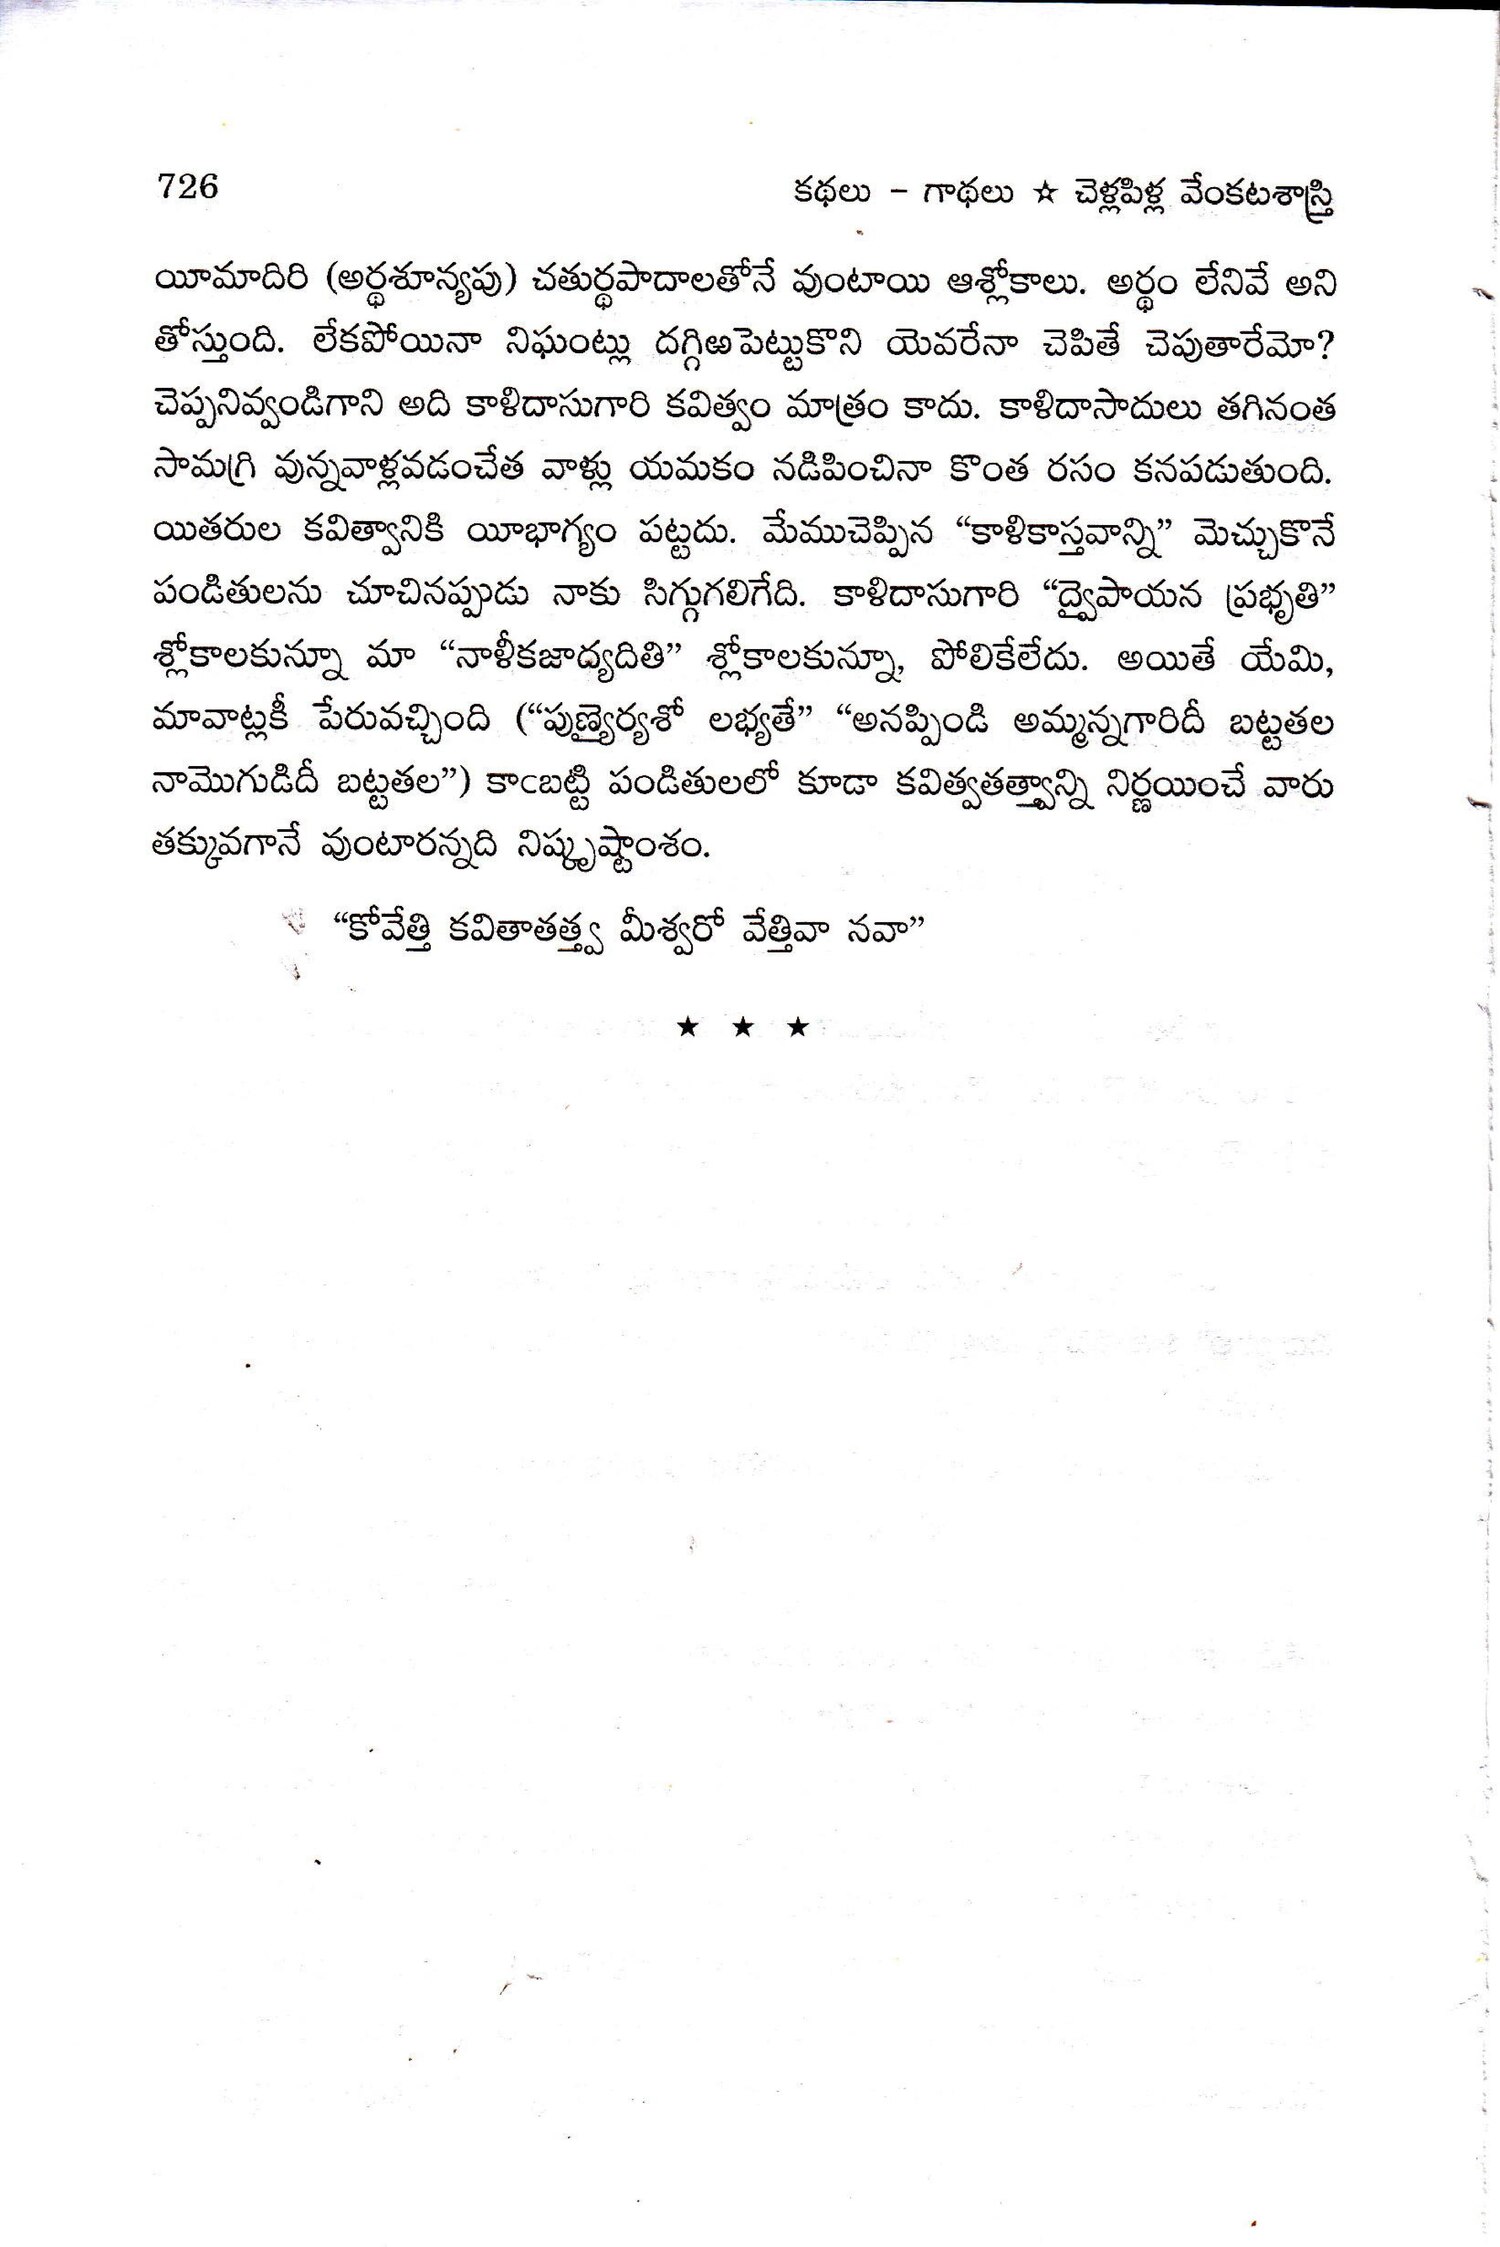యీమాదిరి (అర్థశూన్యపు) చతుర్థపాదాలతోనే వుంటాయి ఆశ్లోకాలు. అర్థం లేనివే అని తోస్తుంది. లేకపోయినా నిఘంట్లు దగ్గిఱపెట్టుకొని యెవరేనా చెపితే చెపుతారేమో? చెప్పనివ్వండిగాని అది కాళిదాసుగారి కవిత్వం మాత్రం కాదు. కాళిదాసాదులు తగినంత సామగ్రి వున్నవాళ్లవడంచేత వాళ్లు యమకం నడిపించినా కొంత రసం కనపడుతుంది. యితరుల కవిత్వానికి యీభాగ్యం పట్టదు. మేముచెప్పిన “కాళికాస్తవాన్ని" మెచ్చుకొనే పండితులను చూచినప్పుడు నాకు సిగ్గుగలిగేది. కాళిదాసుగారి "ద్వైపాయన ప్రభృతి" శ్లోకాలకున్నూ మా “నాళీకజాద్యదితి" శ్లోకాలకున్నూ పోలికేలేదు. అయితే యేమి, మావాట్లకీ పేరువచ్చింది ("పుణ్యైర్యశో లభ్యతే" “అనప్పిండి అమ్మన్నగారిదీ బట్టతల నామొగుడిదీ బట్టతల”) కాఁబట్టి పండితులలో కూడా కవిత్వతత్త్వాన్ని నిర్ణయించే వారు తక్కువగానే వుంటారన్నది నిష్కృష్టాంశం.

“కోవేత్తి కవితాతత్త్వ మీశ్వరో వేత్తివా నవా”